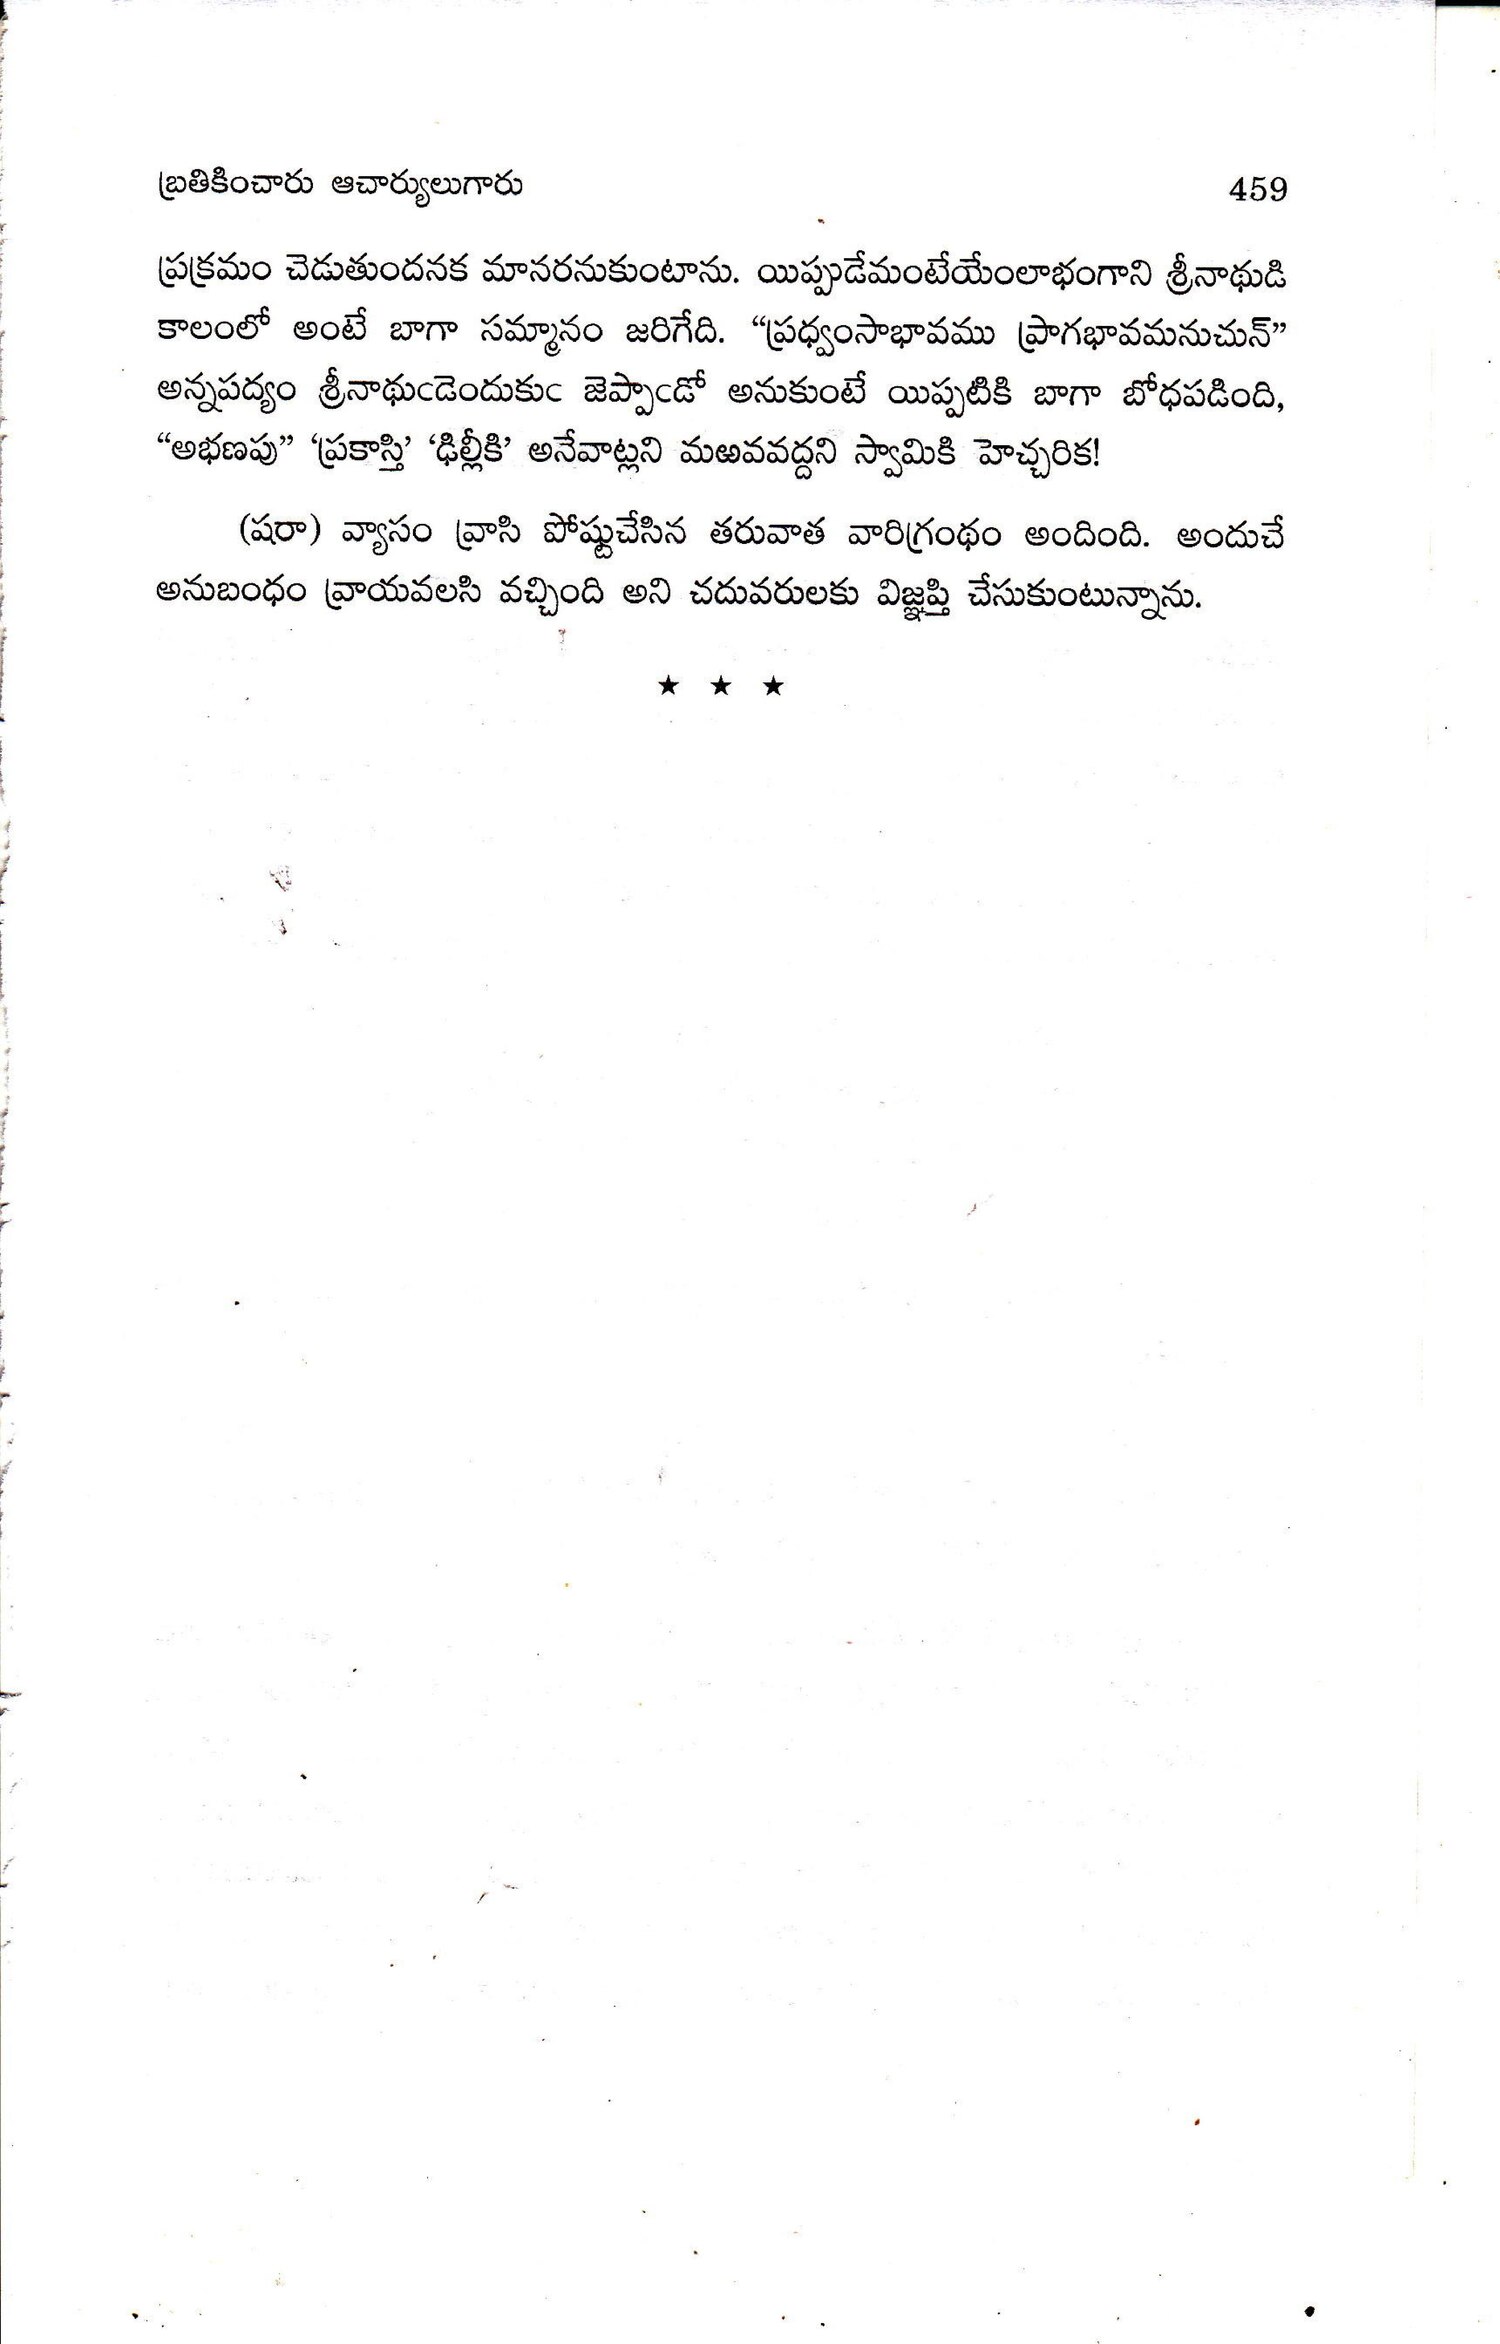ప్రక్రమం చెడుతుందనక మానరనుకుంటాను. యిప్పుడేమంటేయేంలాభంగాని శ్రీనాథుడి కాలంలో అంటే బాగా సమ్మానం జరిగేది. “ప్రధ్వంసాభావము ప్రాగభావమనుచున్" అన్నపద్యం శ్రీనాథుఁడెందుకుc జెప్పాఁడో అనుకుంటే యిప్పటికి బాగా బోధపడింది, “అభణపు" 'ప్రకాస్తి' 'ఢిల్లీకి' అనేవాట్లని మఱవవద్దని స్వామికి హెచ్చరిక!

(షరా) వ్యాసం వ్రాసి పోష్టుచేసిన తరువాత వారి గ్రంథం అందింది. అందుచే అనుబంధం వ్రాయవలసి వచ్చింది అని చదువరులకు విజ్ఞప్తి చేసుకుంటున్నాను.